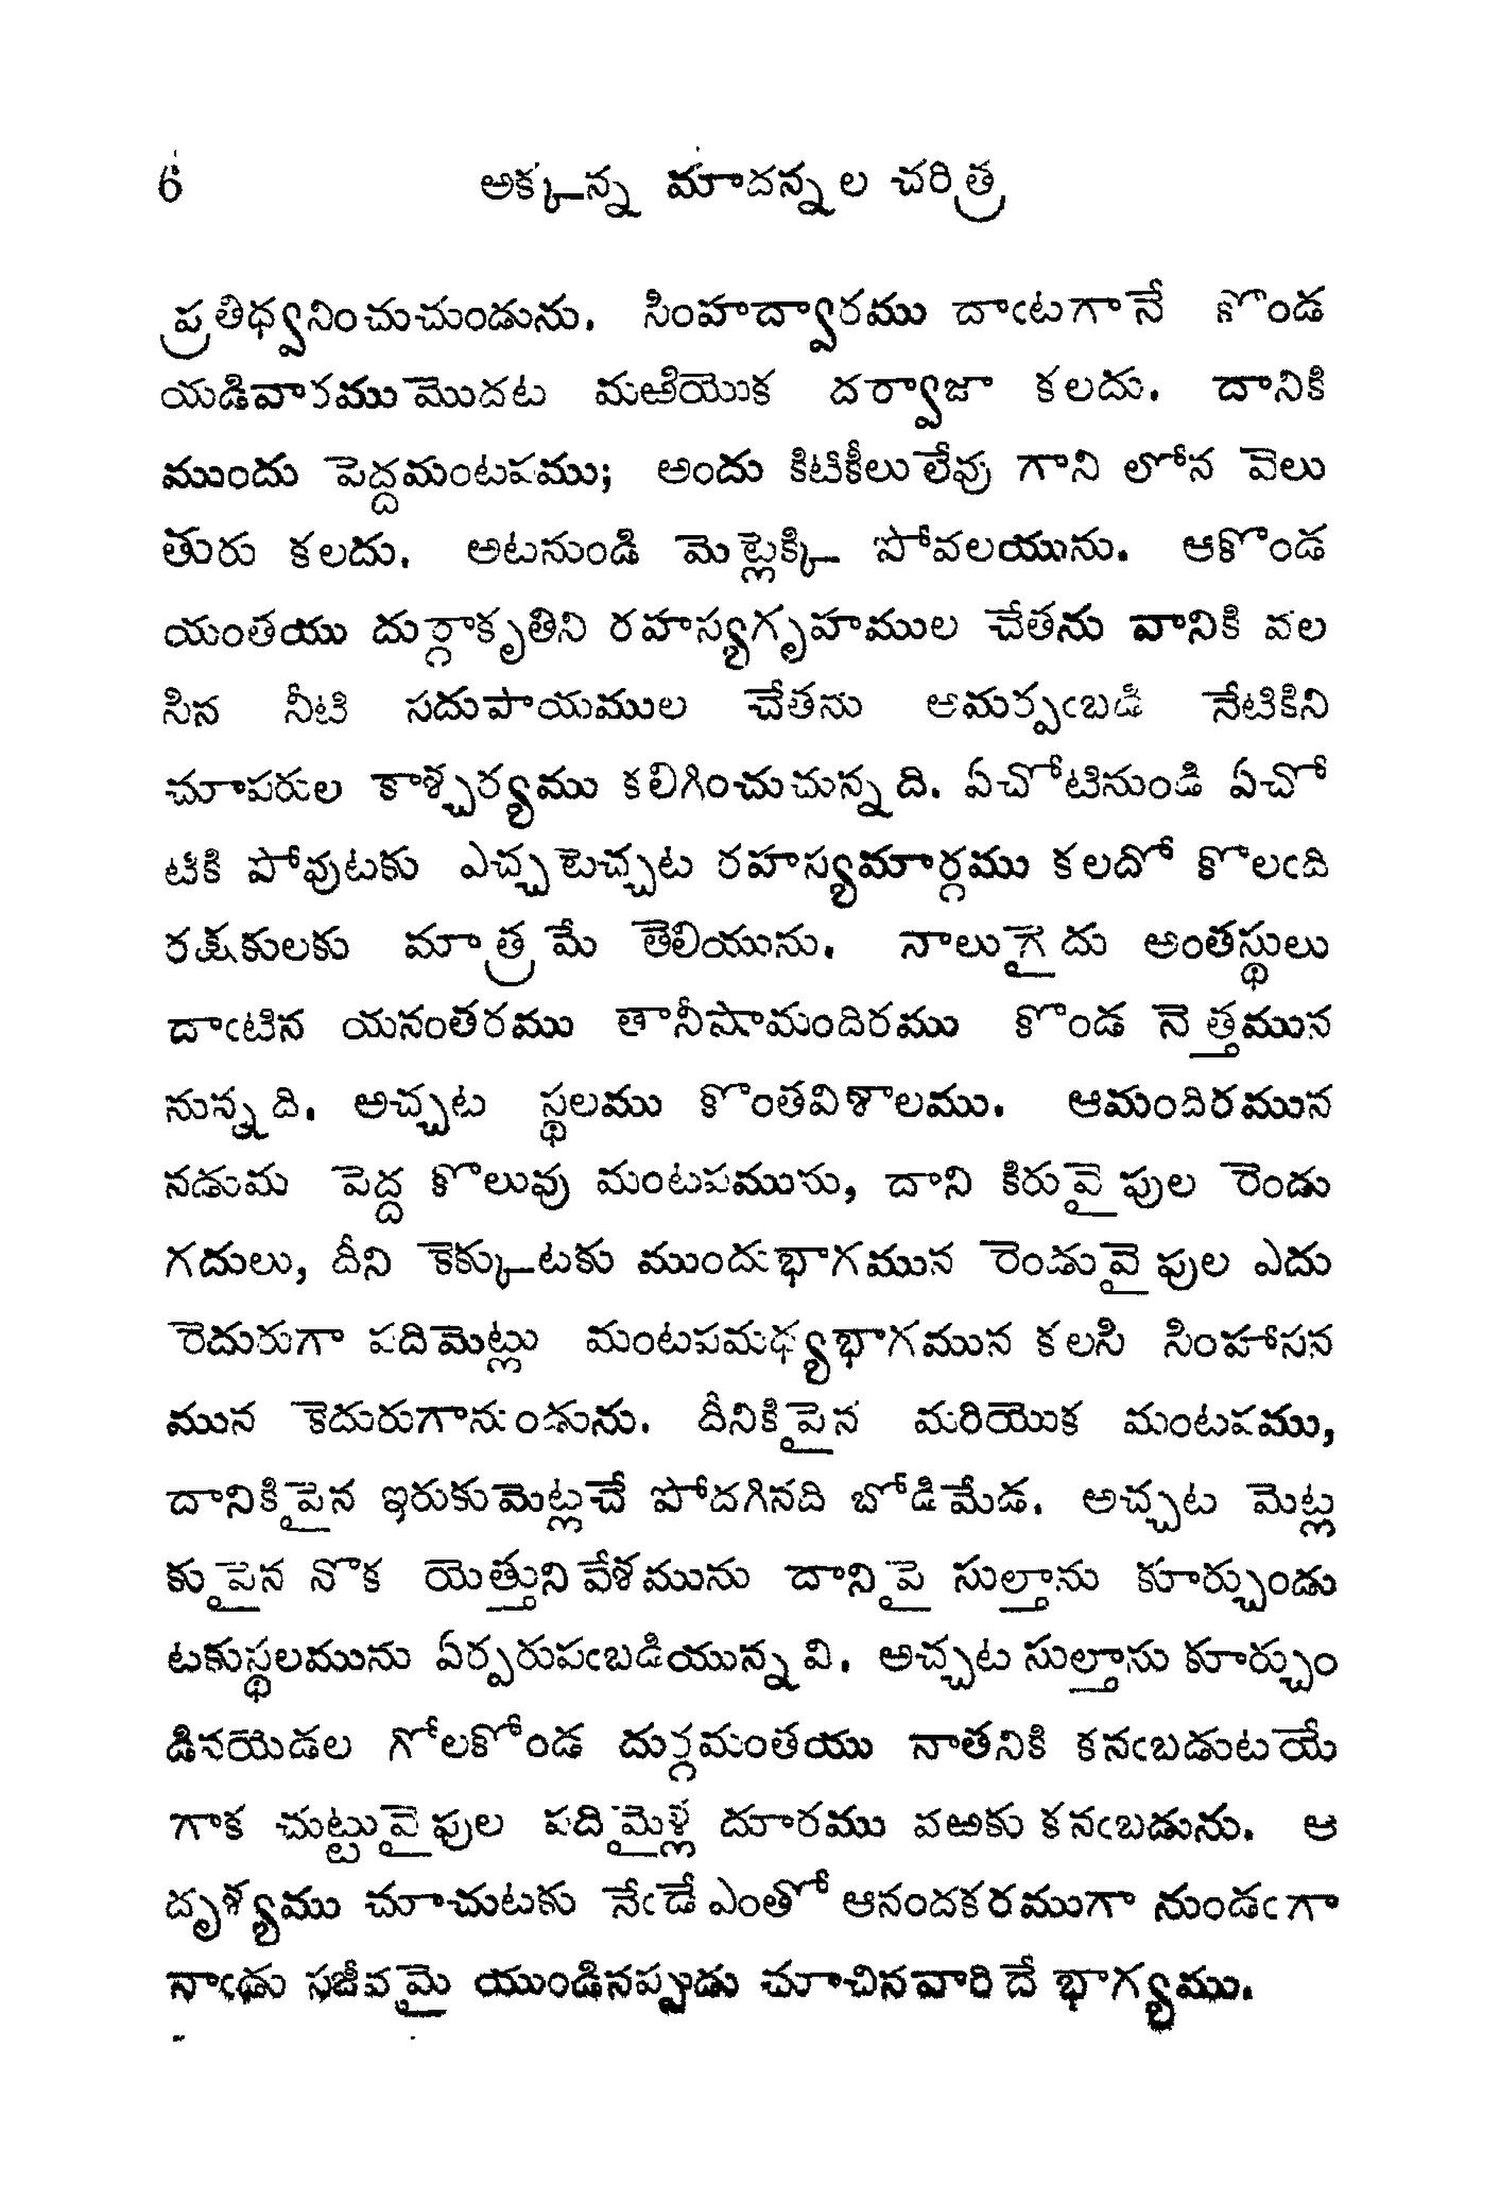ప్రతిధ్వనించుచుండును. సింహద్వారము దాఁటగానే కొండ యడివారముమొదట మఱియొక దర్వాజా కలదు. దానికి ముందు పెద్దమంటపము; అందు కిటికీలులేవు గాని లోన వెలుతురు కలదు. అటనుండి మెట్లెక్కి పోవలయును. ఆకొండ యంతయు దుర్గాకృతిని రహస్యగృహముల చేతను వానికి వలసిన నీటి సదుపాయముల చేతను అమర్పఁబడి నేటికిని చూపరుల కాశ్చర్యము కలిగించుచున్నది. ఏచోటినుండి ఏచోటికి పోవుటకు ఎచ్చటెచ్చట రహస్యమార్గము కలదో కొలఁది రక్షకులకు మాత్రమే తెలియును. నాలుగైదు అంతస్థులు దాఁటిన యనంతరము తానీషామందిరము కొండ నెత్తముననున్నది. అచ్చట స్థలము కొంతవిశాలము. ఆమందిరమున నడుమ పెద్ద కొలువు మంటపమును, దాని కిరువైపుల రెండు గదులు, దీని కెక్కుటకు ముందుభాగమున రెండువైపుల ఎదురెదురుగా పదిమెట్లు మంటపమధ్యభాగమున కలసి సింహాసనమున కెదురుగానుండును. దీనికిపైన మరియొక మంటపము, దానికిపైన ఇరుకుమెట్లచే పోదగినది బోడిమేడ. అచ్చట మెట్లకుపైన నొక యెత్తునివేశమును దానిపై సుల్తాను కూర్చుండుటకుస్థలమును ఏర్పరుపఁబడియున్నవి. అచ్చట సుల్తాను కూర్చుండినయెడల గోలకోండ దుర్గమంతయు నాతనికి కనఁబడుటయే గాక చుట్టువైపుల పదిమైళ్ల దూరము వఱకు కనఁబడును. ఆ దృశ్యము చూచుటకు నేఁడే ఎంతో ఆనందకరముగా నుండఁగా నాఁడు సజీవమై యుండినప్పడు చూచినవారిదే భాగ్యము.